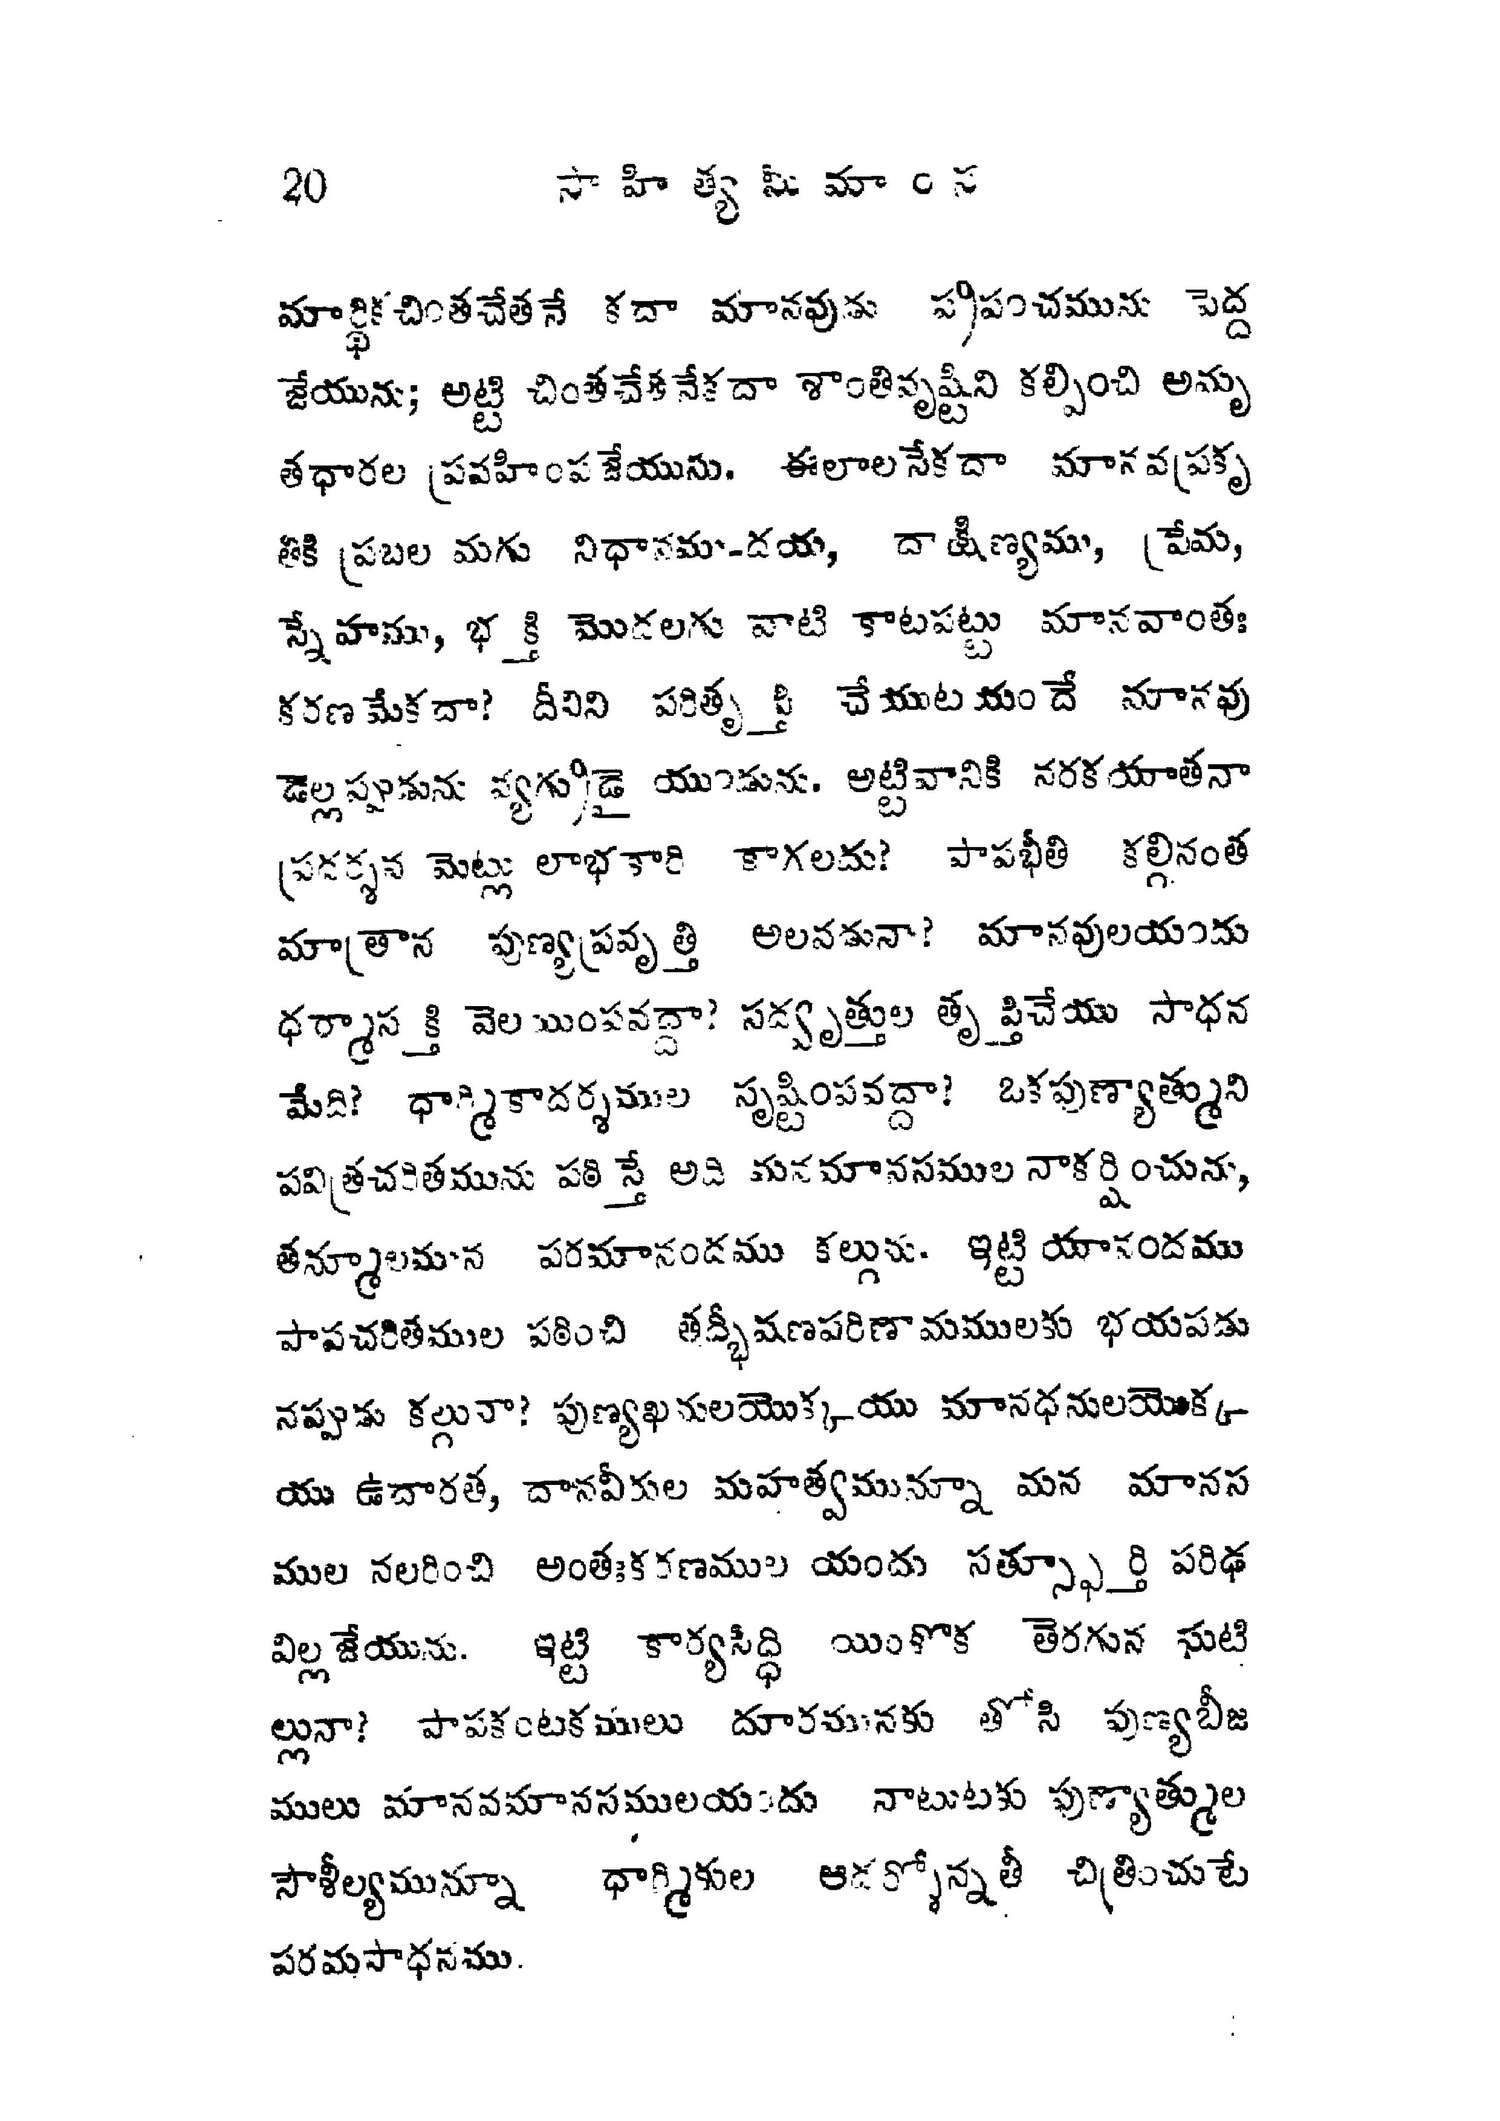మార్థికచింతచేతనే కదా మానవుడు ప్రపంచమును పెద్ద జేయును; అట్టి చింతచేతనేకదా శాంతివృష్టిని కల్పించి అమృతధారల ప్రవహింపజేయును. ఈలాలసేకదా మానవప్రకృతికి ప్రబల మగు నిధానము-దయ, దాక్షిణ్యము, ప్రేమ, స్నేహము, భక్తి మొదలగు వాటి కాటపట్టు మానవాంత: కరణమేకదా? దీనిని పరితృప్తి చేయుటయందే మానవు డెల్లప్పుడును వ్యగ్రుడై యుండును. అట్టివానికి నరకయాతనా ప్రదర్శన మెట్లు లాభకారి కాగలదు? పాపభీతి కల్గినంత మాత్రాన పుణ్యప్రవృత్తి అలవడునా? మానవులయందు ధర్మాసక్తి వెలయింపవద్దా? సద్వృత్తుల తృప్తిచేయు సాధన మేది? ధార్మికాదర్శముల సృష్టింపవద్దా? ఒకపుణ్యాత్ముని పవిత్రచరితమును పఠిస్తే అది మనమానసముల నాకర్షించును, తన్మూలమున పరమానందము కల్గును. ఇట్టి యానందము పాపచరితముల పఠించి తద్భీషణపరిణామములకు భయపడునప్పుడు కల్గునా? పుణ్యఖనులయొక్కయు మానధనులయొక్కయు ఉదారత, దానవీరుల మహత్వమున్నూ మన మానసముల నలరించి అంత:కరణముల యందు సత్స్ఫూర్తి పరిఢవిల్లజేయును. ఇట్టి కార్యసిద్ధి యింకొక తెరగున ఘటిల్లునా? పాపకంటకములు దూరమునకు తోసి పుణ్యబీజములు మానవమానసములయందు నాటుటకు పుణ్యాత్ముల సౌశీల్యమున్నూ ధార్మికుల ఆదర్శోన్నతీ చిత్రించుటే పరమసాధనము.